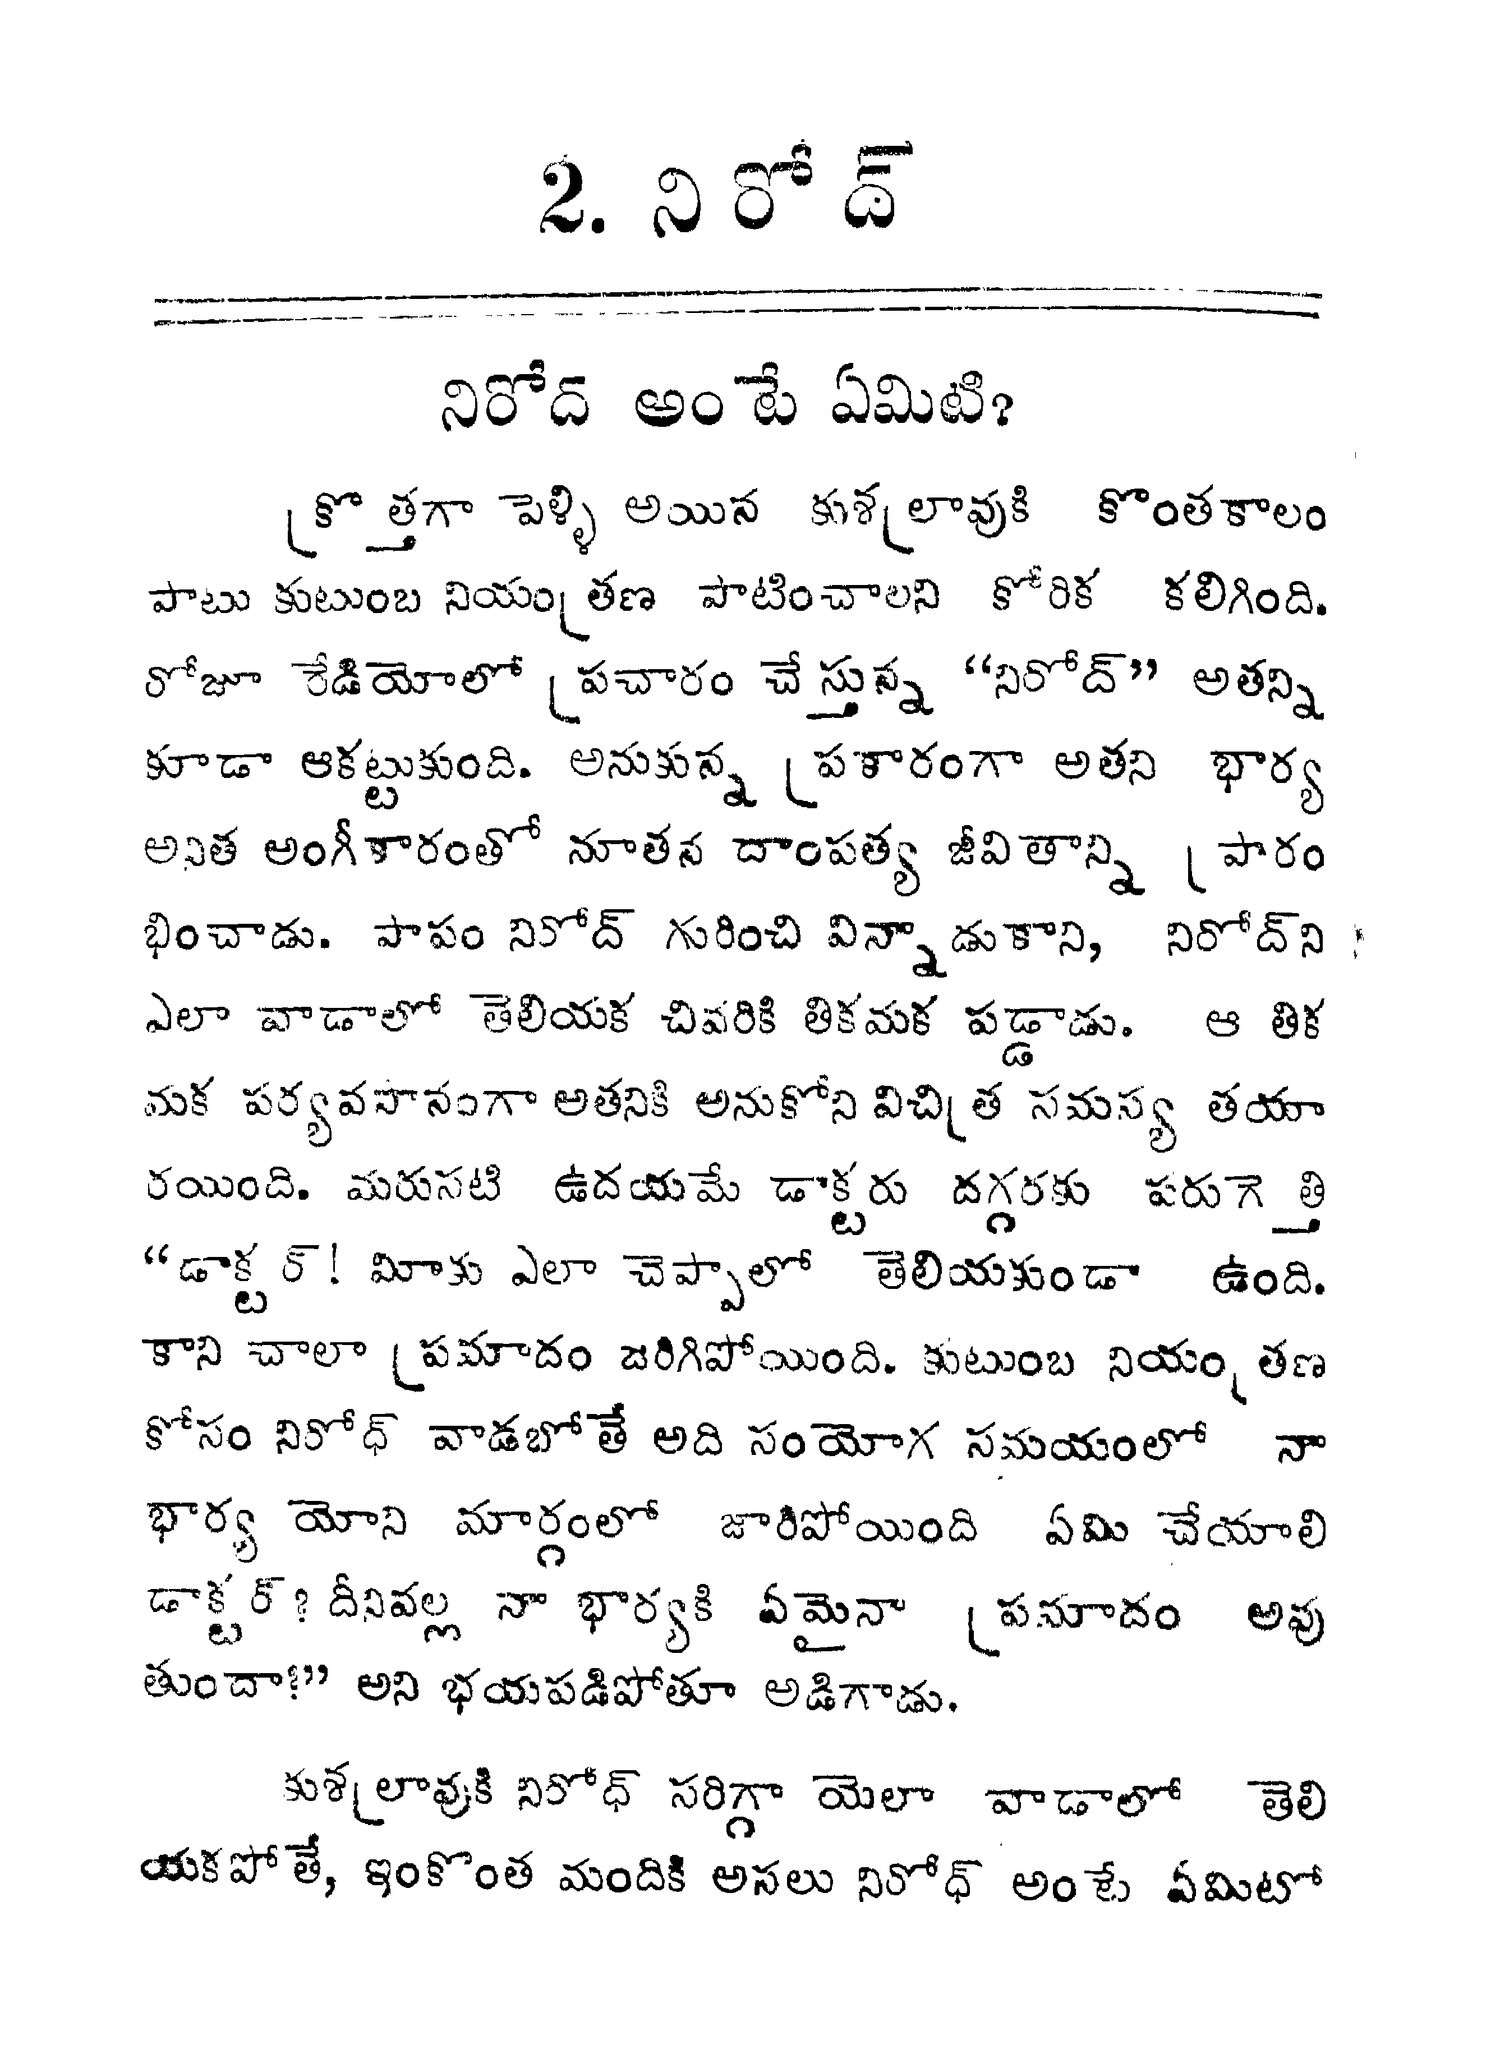క్రొత్తగా పెళ్ళి అయిన కుశల్రావుకి కొంతకాలం పాటు కుటుంబ నియంత్రణ పాటించాలని కోరిక కలిగింది. రోజూ రేడియోలో ప్రచారం చేస్తున్న "నిరోద్" అతన్ని కూడా ఆకట్టుకుంది. అనుకున్న ప్రకారంగా అతని భార్య అనిత అంగీకారంతో నూతన దాంపత్య జీవితాన్ని ప్రారంభించాడు. పాపం నిరోద్ గురించి విన్నాడుకాని, నిరోద్‌ని ఎలా వాడాలో తెలియక చివరికి తికమక పడ్డాడు. ఆ తికమక పర్యవసానంగా అతనికి అనుకోని విచిత్ర సమస్య తయారయింది. మరుసటి ఉదయమే డాక్టరు దగ్గరకు పురుగెత్తి "డాక్టర్ ! మీకు ఎలా చెప్పాలో తెలియకుండా ఉంది. కాని చాలా ప్రమాదం జరిగిపోయింది. కుటుంబ నియంత్రణ కోసం నిరోద్ వాడబోతే అది సంయోగ సమయంలో నా భార్య యోని మార్గంలో జారిపోయింది. ఏమి చేయాలి డాక్టర్? దీనివల్ల నాభార్యకి ఏమైనా ప్రమాదం అవుతుందా?" అని భయపడిపోతూ అడిగాడు.

కుశల్రావుకి నిరోద్ సరిగ్గా యెలా వాడాలో తెలియకపోతే, ఇంకొంత మందికి అసలు నిరోద్ అంటే ఏమిటో